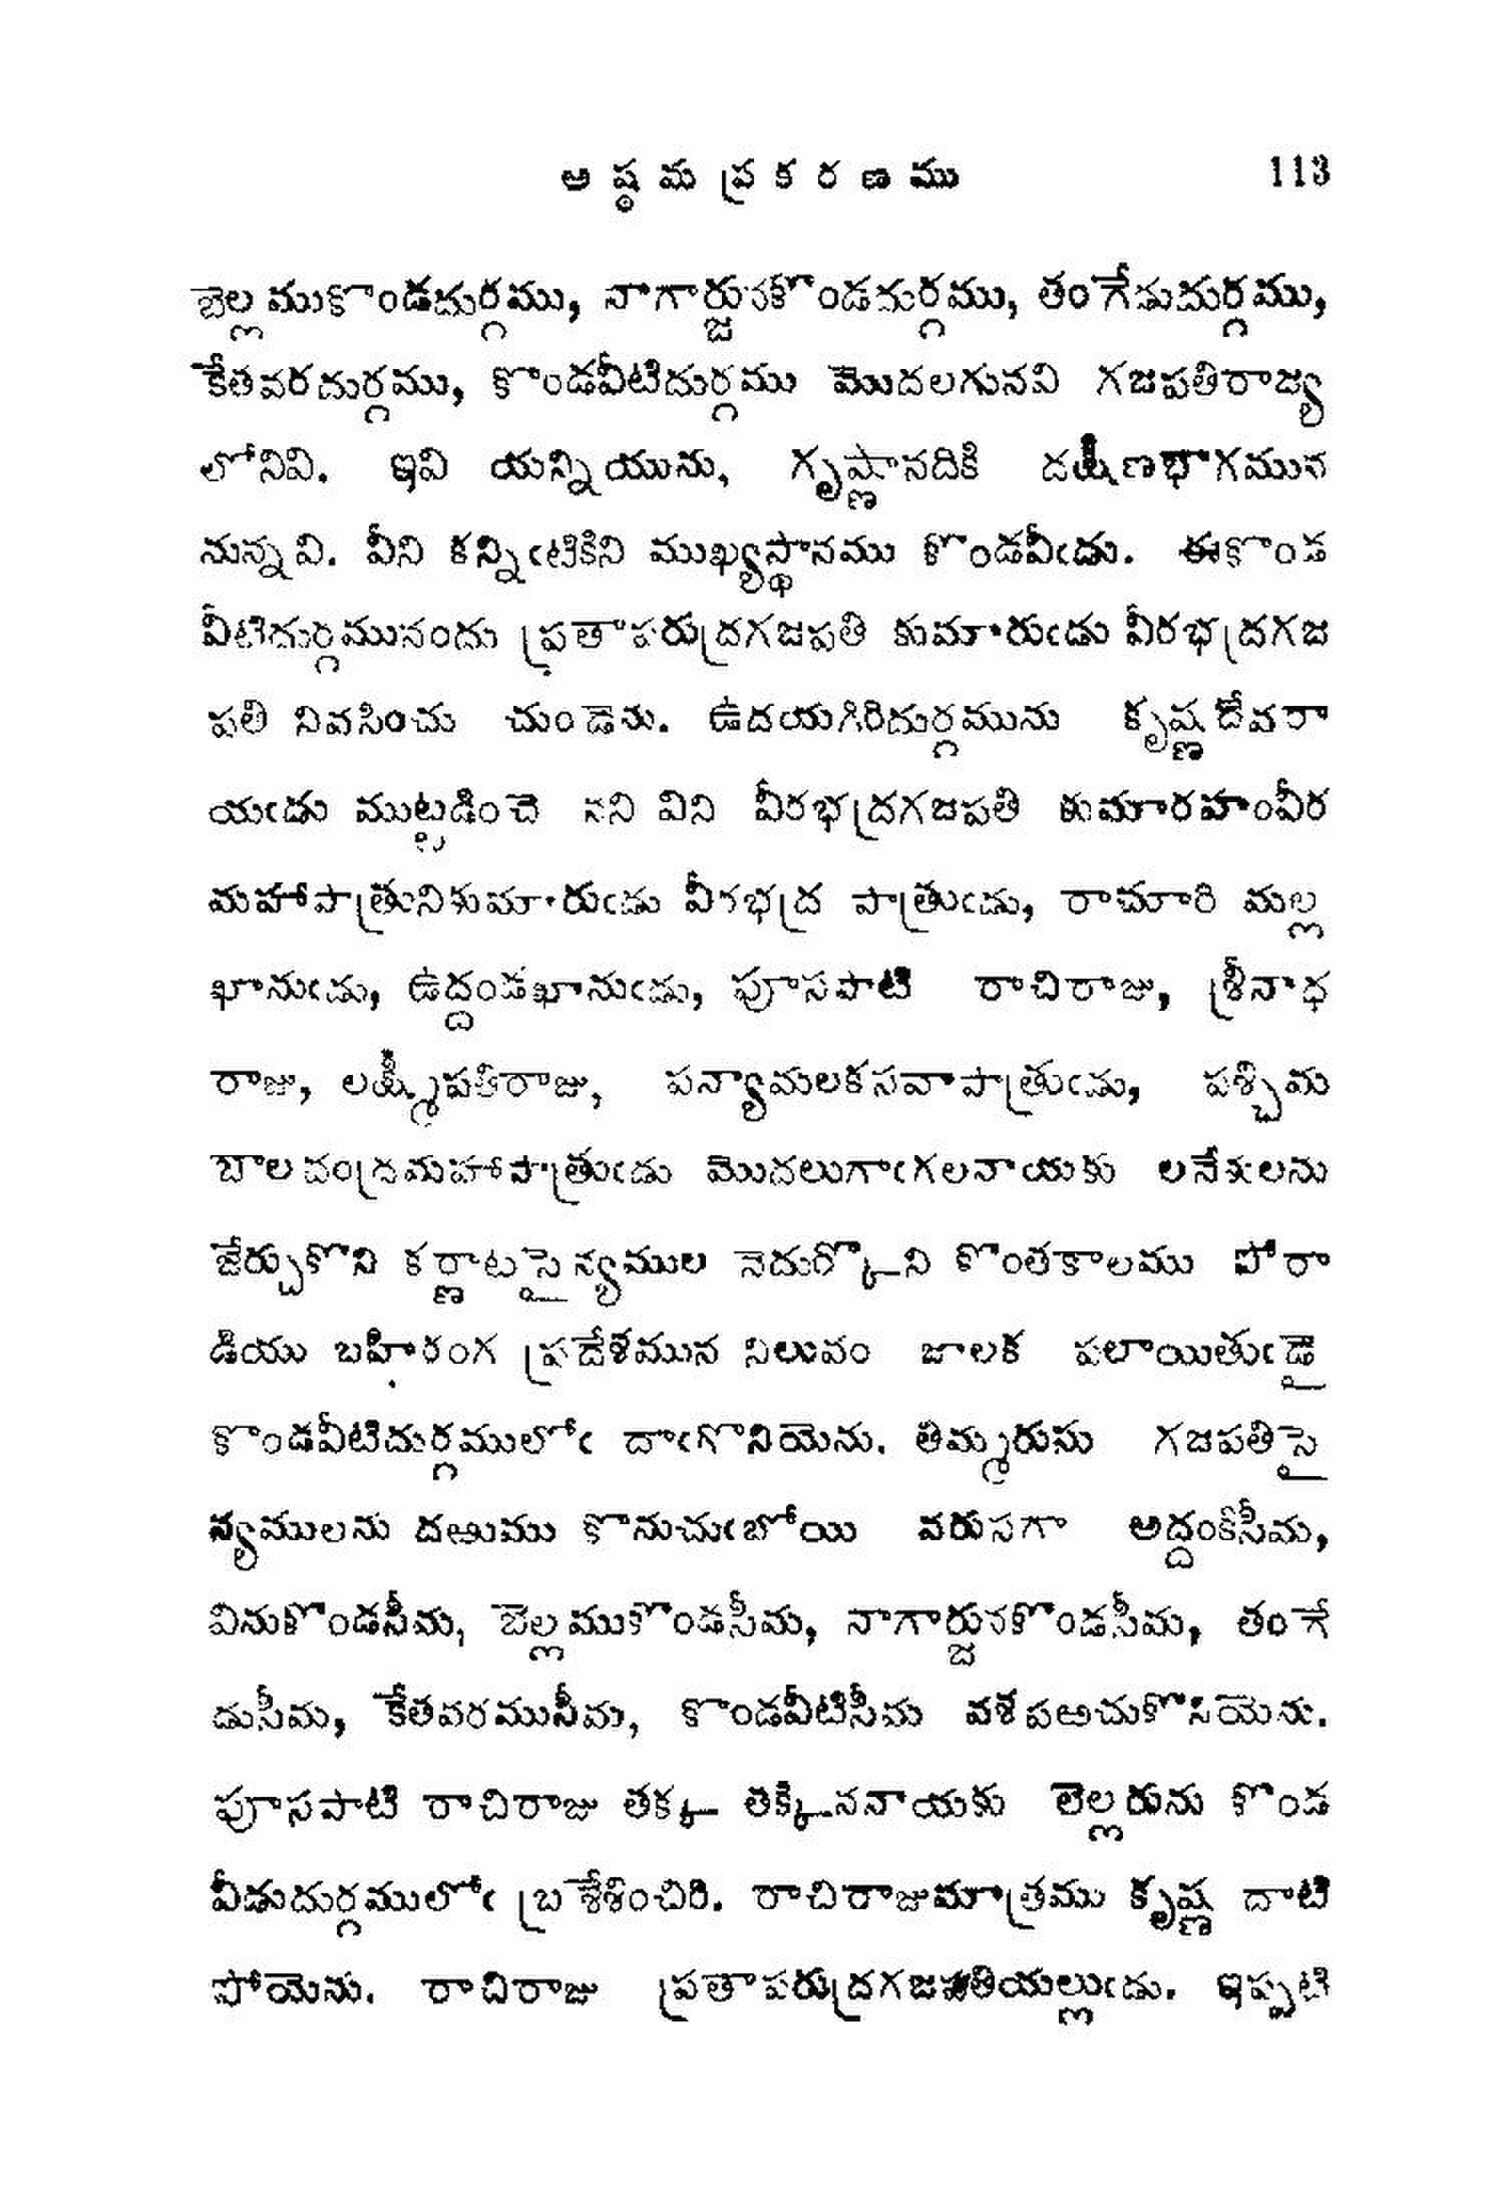బెల్లముకొండదుర్గము, నాగార్జునకొండదుర్గము, తంగేడుదుర్గము, కేతవరదుర్గము, కొండవీటిదుర్గము మొదలగునవి గజపతిరాజ్యలోనివి. ఇవి యన్నియును, గృష్ణానదికి దక్షిణభాగమున నున్నవి. వీని కన్నిఁటికిని ముఖ్యస్థానము కొండవీఁడు. ఈకొండవీటి దుర్గమునందు ప్రతాపరుద్రగజపతి కుమారుఁడు వీరభద్రగజపతి నివసించు చుండెను. ఉదయగిరిదుర్గమును కృష్ణదేవరాయఁడు ముట్టడించె నని విని వీరభద్రగజపతి కుమారహంవీర మహాపాత్రునికుమారుఁడు వీరభద్ర పాత్రుఁడు, రాచూరి మల్లఖానుఁడు, ఉద్దండఖానుఁడు, పూసపాటి రాచిరాజు, శ్రీనాధరాజు, లక్ష్మీపతిరాజు, పన్యామలకసవాపాత్రుఁడు, పశ్చిమ బాలచంద్రమహాపాత్రుఁడు మొదలుగాఁగలనాయకు లనేకులను జేర్చుకొని కర్ణాటసైన్యముల నెదుర్కొని కొంతకాలము పోరాడియు బహిరంగ ప్రదేశమున నిలువం జాలక పలాయితుఁడై
కొండవీటిదుర్గములోఁ దాఁగొనియెను. తిమ్మరుసు గజపతిసైన్యములను దఱుము కొనుచుఁబోయి వరుసగా అద్దంకిసీమ, వినుకొండసీమ, బెల్లముకొండసీమ, నాగార్జునకొండసీమ, తంగేడుసీమ, కేతవరముసీమ, కొండవీటిసీమ వశపఱచుకొనియెను. పూసపాటి రాచిరాజు తక్క తక్కిననాయకు లెల్లరును కొండవీడు దుర్గములోఁ బ్రవేశించిరి. రాచిరాజుమాత్రము కృష్ణ దాటి పోయెను. రాచిరాజు ప్రతాపరుద్రగజపతియల్లుఁడు. ఇప్పటి